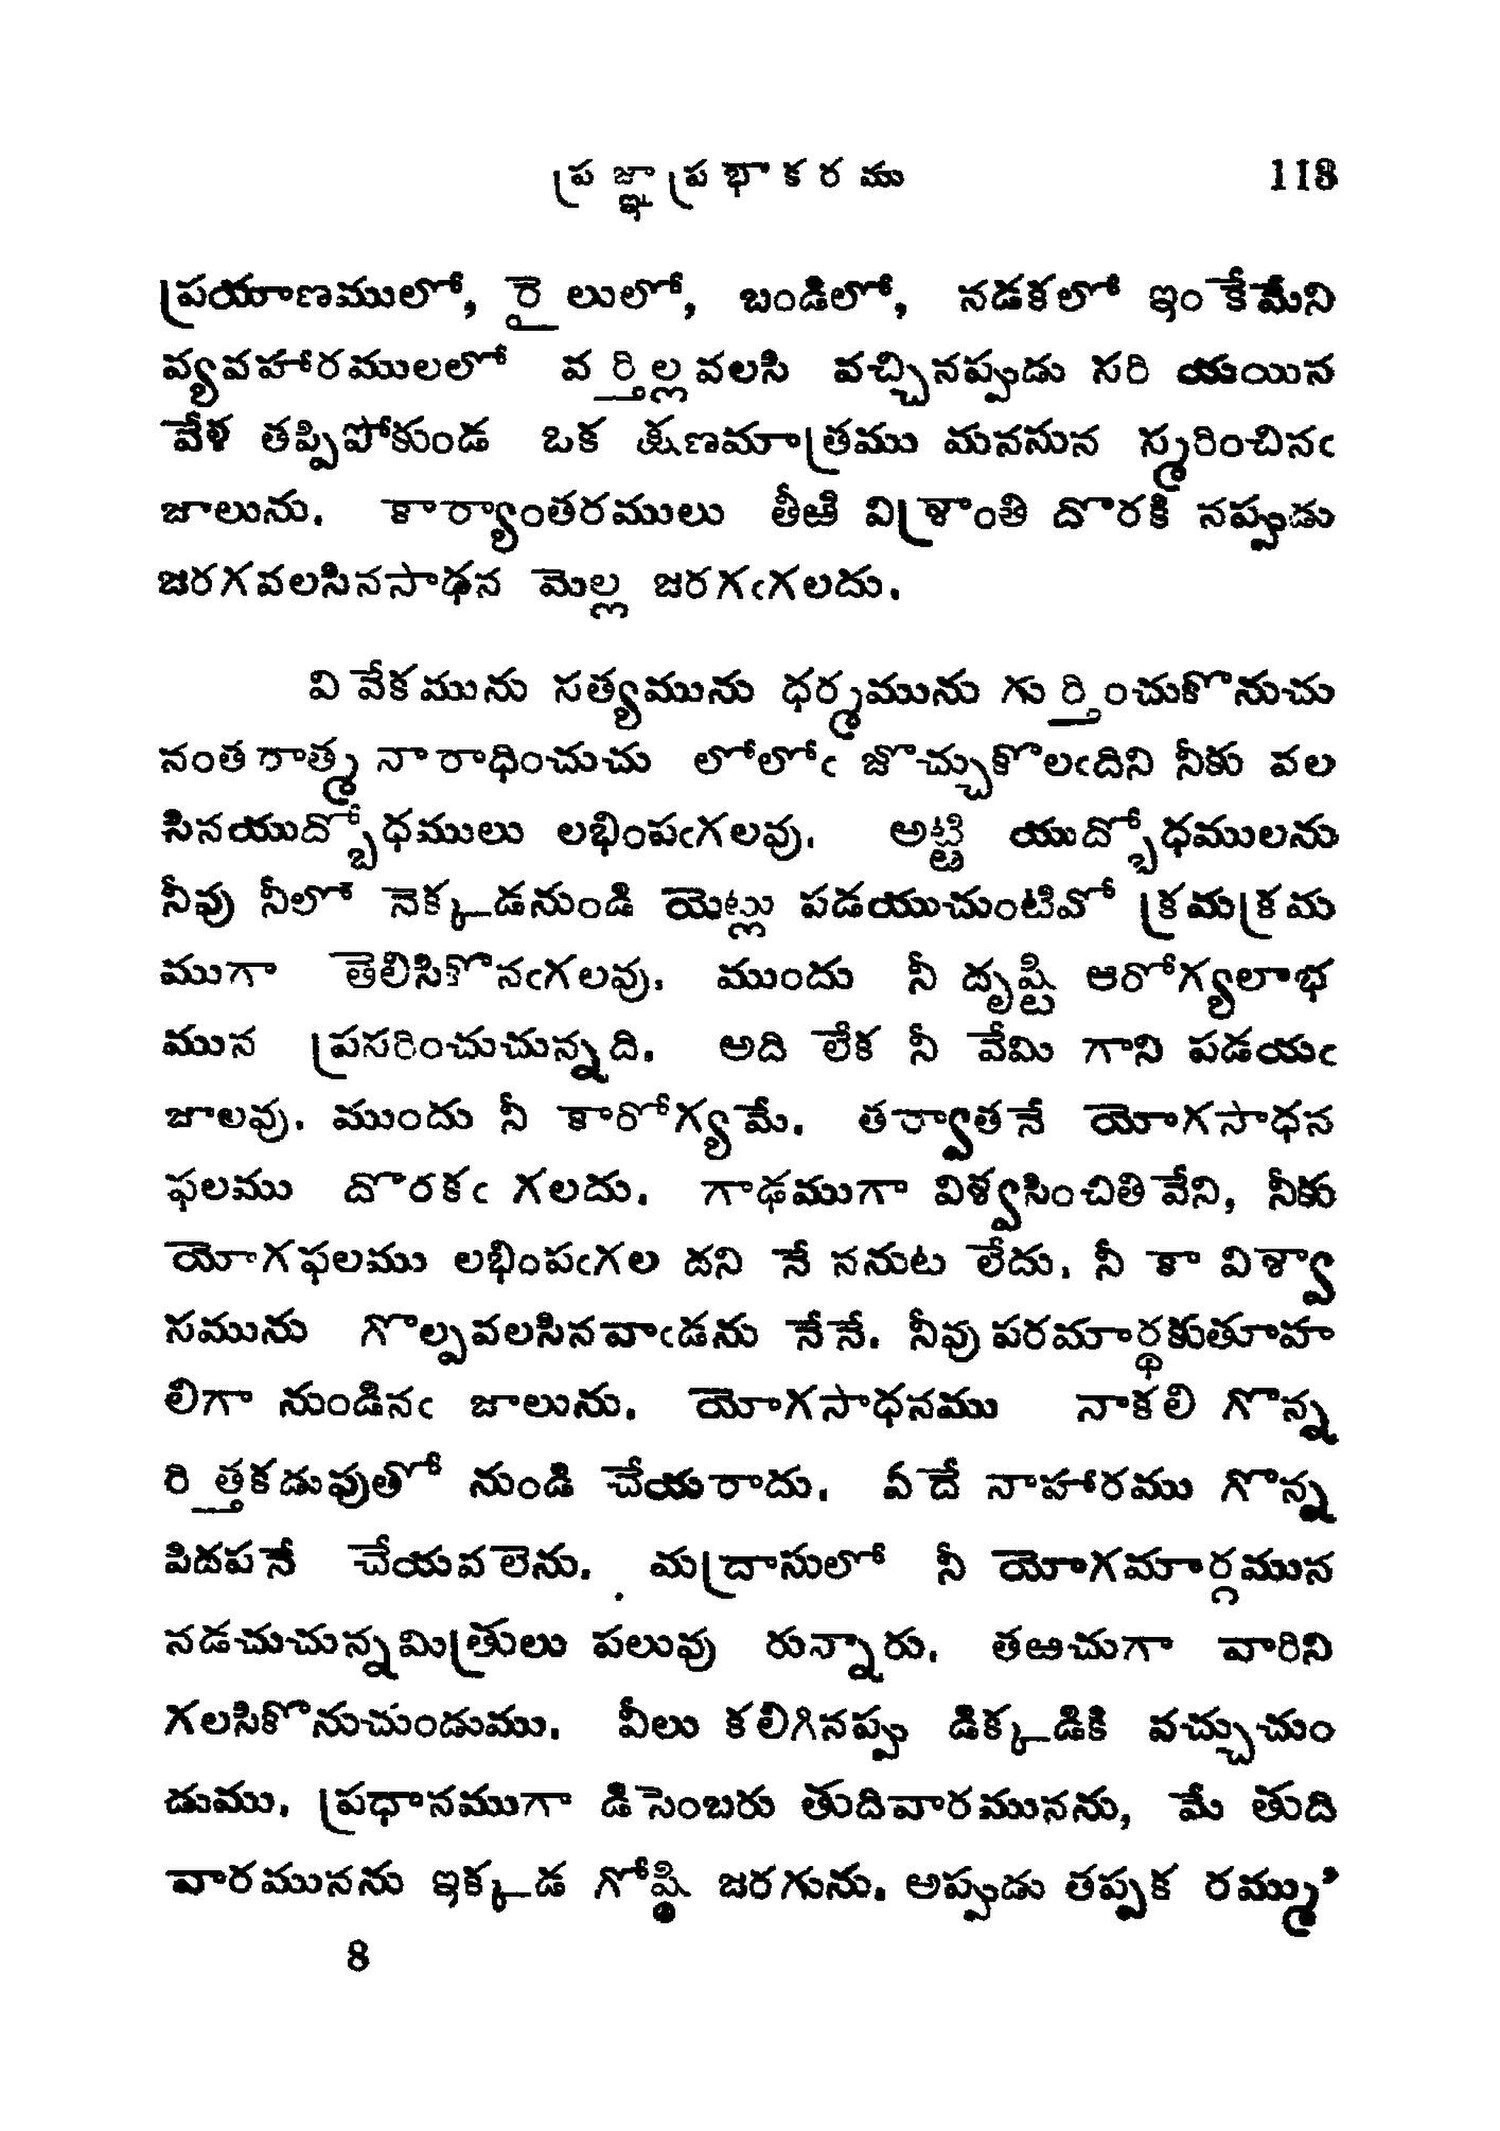ప్రయాణములో, రైలులో,బండిలో, నడకలో ఇంకే మేని వ్యవహారములలో వర్తిల్ల వలసి వచ్చినప్పుడు సరియ యిన వేళ తప్పిపోకుండ ఒక క్షణ మాత్రము మనసున స్మరించినఁ జాలును. కార్యంతరములు తీఱి విశ్రాంతి దొరకి నప్పుడు జరగవలసిన సాధన మెల్ల జరగఁ గలదు.

వివేకమును సత్యమును ధర్మమును గుర్తించుకొనుచు నంత రాత్మ నారాధించుచు లోలోఁ జోచ్చుకొలఁదిని నీకు వలసిన యుద్బోధములు లభింపఁ గలవు. అట్టి యుద్బోధము లను నీవు నీలో నెక్కడ నుండి యెట్లు పడయు చుంటివో క్రమక్రమముగా ప్రసరించుచున్నది. అది లేక నీ వేమి గాని పడయఁ జాలవు. ముందు నీ కారోగ్యమే. తర్వాత నే యోగ సాధన ఫలము దొరకఁ గలదు. గాఢముగా విశ్వసించితి వేని, నీకు యోగ ఫలము లభింపఁగల దని నే ననుట లేదు. నీ కా విశ్వాసమును గొల్ప వలసిన వాఁ డను. నేనే. నీవు పరమార్దకుతూహలిగా నుండినఁ జాలును. యోగ సాధనము నాకలి గొన్న రిత్తక డుపుతో నుండి చేయరాదు. ఏదే నాహారము గొన్న పిదపనే చేయ వలెను. మద్రాసులో నీ యోగ మాగ్గమున నడచుచున్న మిత్రులు పలువు రున్నారు. తఱచుగా వారిని గలసికొను చుండుము. వీలు కలిగినప్పు డిక్కడికి వచ్చు చుండుము. ప్రధానముగా డిసెంబరు తుది వారమునను, మే తుది వారమునను, ఇక్కడ గోష్ఠి జరగును. అప్పుడు తప్పక రమ్ము'